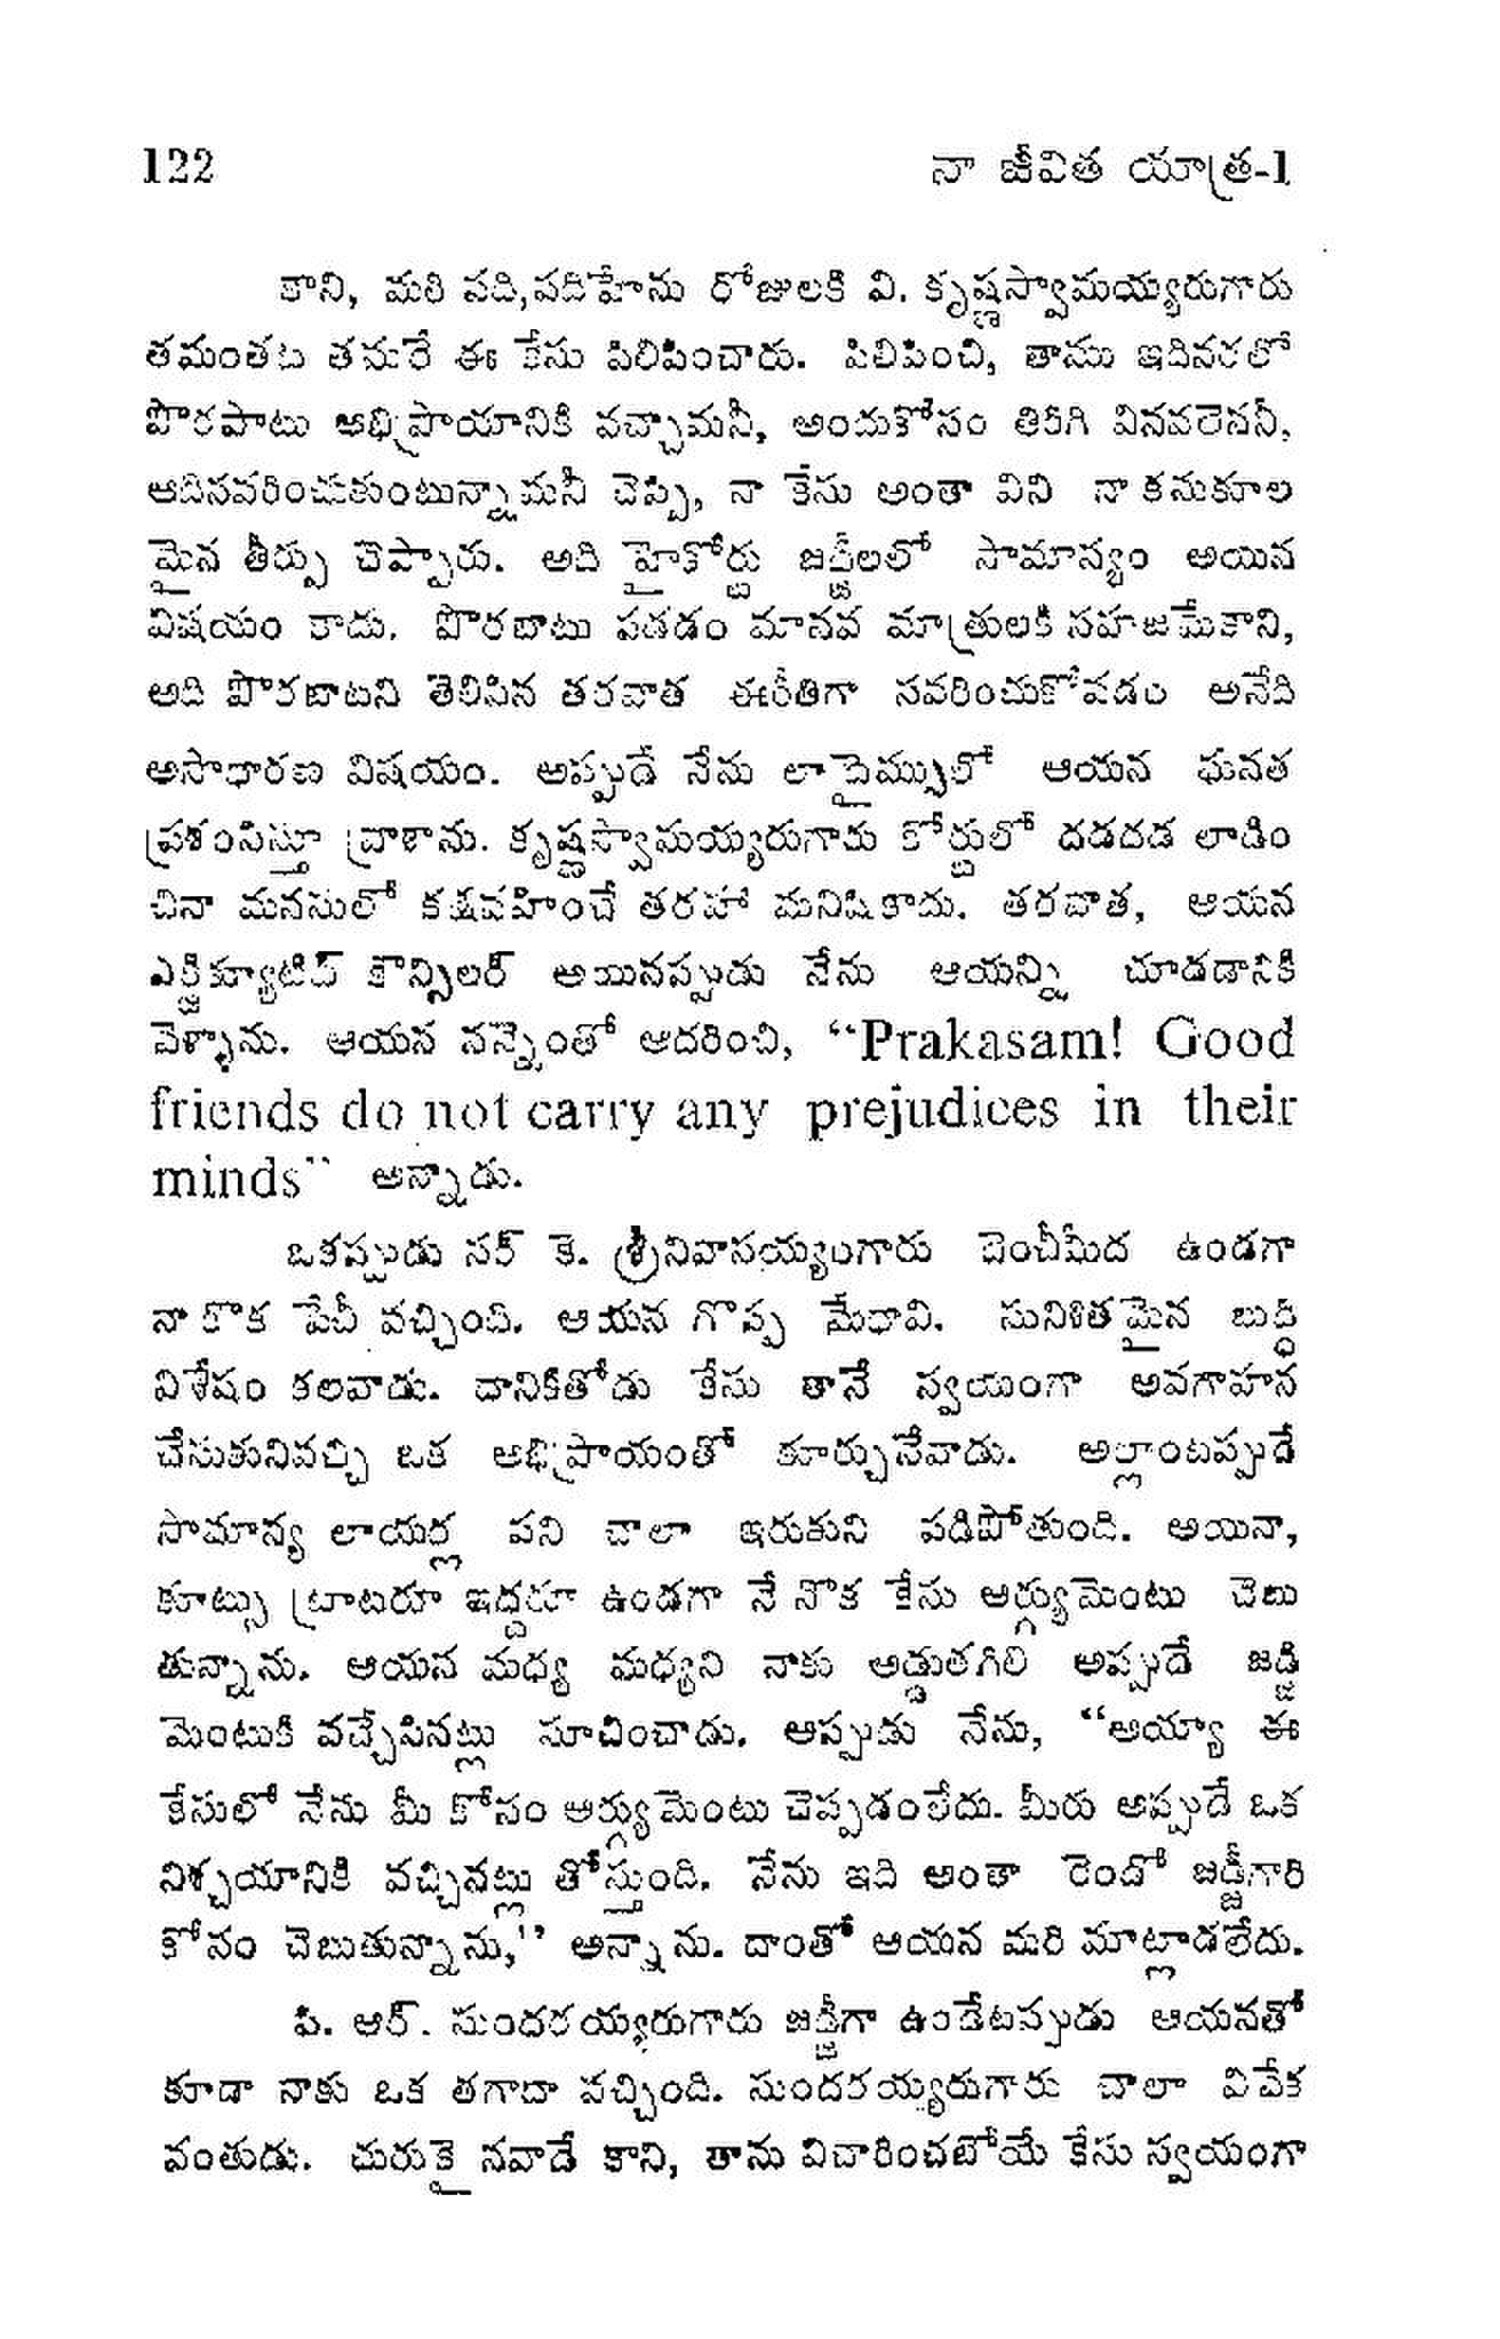కాని, మరి పది, పదిహేను రోజులకి వి. కృష్ణస్వామయ్యరుగారు తమంతట తమరే ఈ కేసు పిలిపించారు. పిలిపించి, తాము ఇదివరలో పొరపాటు అభిప్రాయానికి వచ్చామనీ, అందుకోసం తిరిగి వినవలెననీ, అదిసవరించుకుంటున్నామనీ చెప్పి, నా కేసు అంతా విని నా కనుకూలమైన తీర్పు చెప్పారు. అది హైకోర్టు జడ్జీలలో సామాన్యం అయిన విషయం కాదు. పొరబాటు పడడం మానవ మాత్రులకి సహజమేకాని, అది పొరబాటని తెలిసిన తరవాత ఈరీతిగా సవరించుకోవడం అనేది అసాధారణ విషయం. అప్పుడే నేను లాటైమ్సులో ఆయన ఘనత ప్రశంసిస్తూ వ్రాశాను. కృష్ణస్వామయ్యరుగారు కోర్టులో దడదడ లాడించినా మనసులో కక్షవహించే తరహా మనిషికాదు. తరవాత, ఆయన ఎక్జిక్యూటివ్ కౌన్సిలర్ అయినప్పుడు నేను ఆయన్ని చూడడానికి వెళ్ళాను. ఆయన నన్నెంతో ఆదరించి, " Prakasamǃ Good friends do not carry any prejudices in their minds" అన్నాడు.

ఒకప్పుడు సర్ కె. శ్రీనివాసయ్యంగారు బెంచీమీద ఉండగా నా కొక పేచీ వచ్చింది. ఆయన గొప్ప మేధావి. సునిశితమైన బుద్ధి విశేషం కలవాడు. దానికితోడు కేసు తానే స్వయంగా అవగాహన చేసుకునివచ్చి ఒక అభిప్రాయంతో కూర్చునేవాడు. అల్లాంటప్పుడే సామాన్య లాయర్ల పని చాలా ఇరుకుని పడిపోతుంది. అయినా, కూట్సు ట్రాటరూ ఇద్దరూ ఉండగా నే నొక కేసు ఆర్గ్యుమెంటు చెబుతున్నాను. ఆయన మధ్య మధ్యని నాకు అడ్డుతగిలి అప్పుడే జడ్జిమెంటుకి వచ్చేసినట్లు సూచించాడు. అప్పుడు నేను, "అయ్యా ఈ కేసులో నేను మీ కోసం ఆర్గ్యుమెంటు చెప్పడంలేదు. మీరు అప్పుడే ఒక నిశ్చయానికి వచ్చినట్లు తోస్తుంది. నేను ఇది అంతా రెండో జడ్జీగారికోసం చెబుతున్నాను," అన్నాను. దాంతో ఆయన మరి మాట్లాడలేదు.

పి. ఆర్. సుందరయ్యరుగారు జడ్జీగా ఉండేటప్పుడు ఆయనతో కూడా నాకు తగాదా వచ్చింది. సుందరయ్యరుగారు చాలా వివేకవంతుడు. చురుకైనవాడే కాని, తాను విచారించబోయే కేసు స్వయంగా